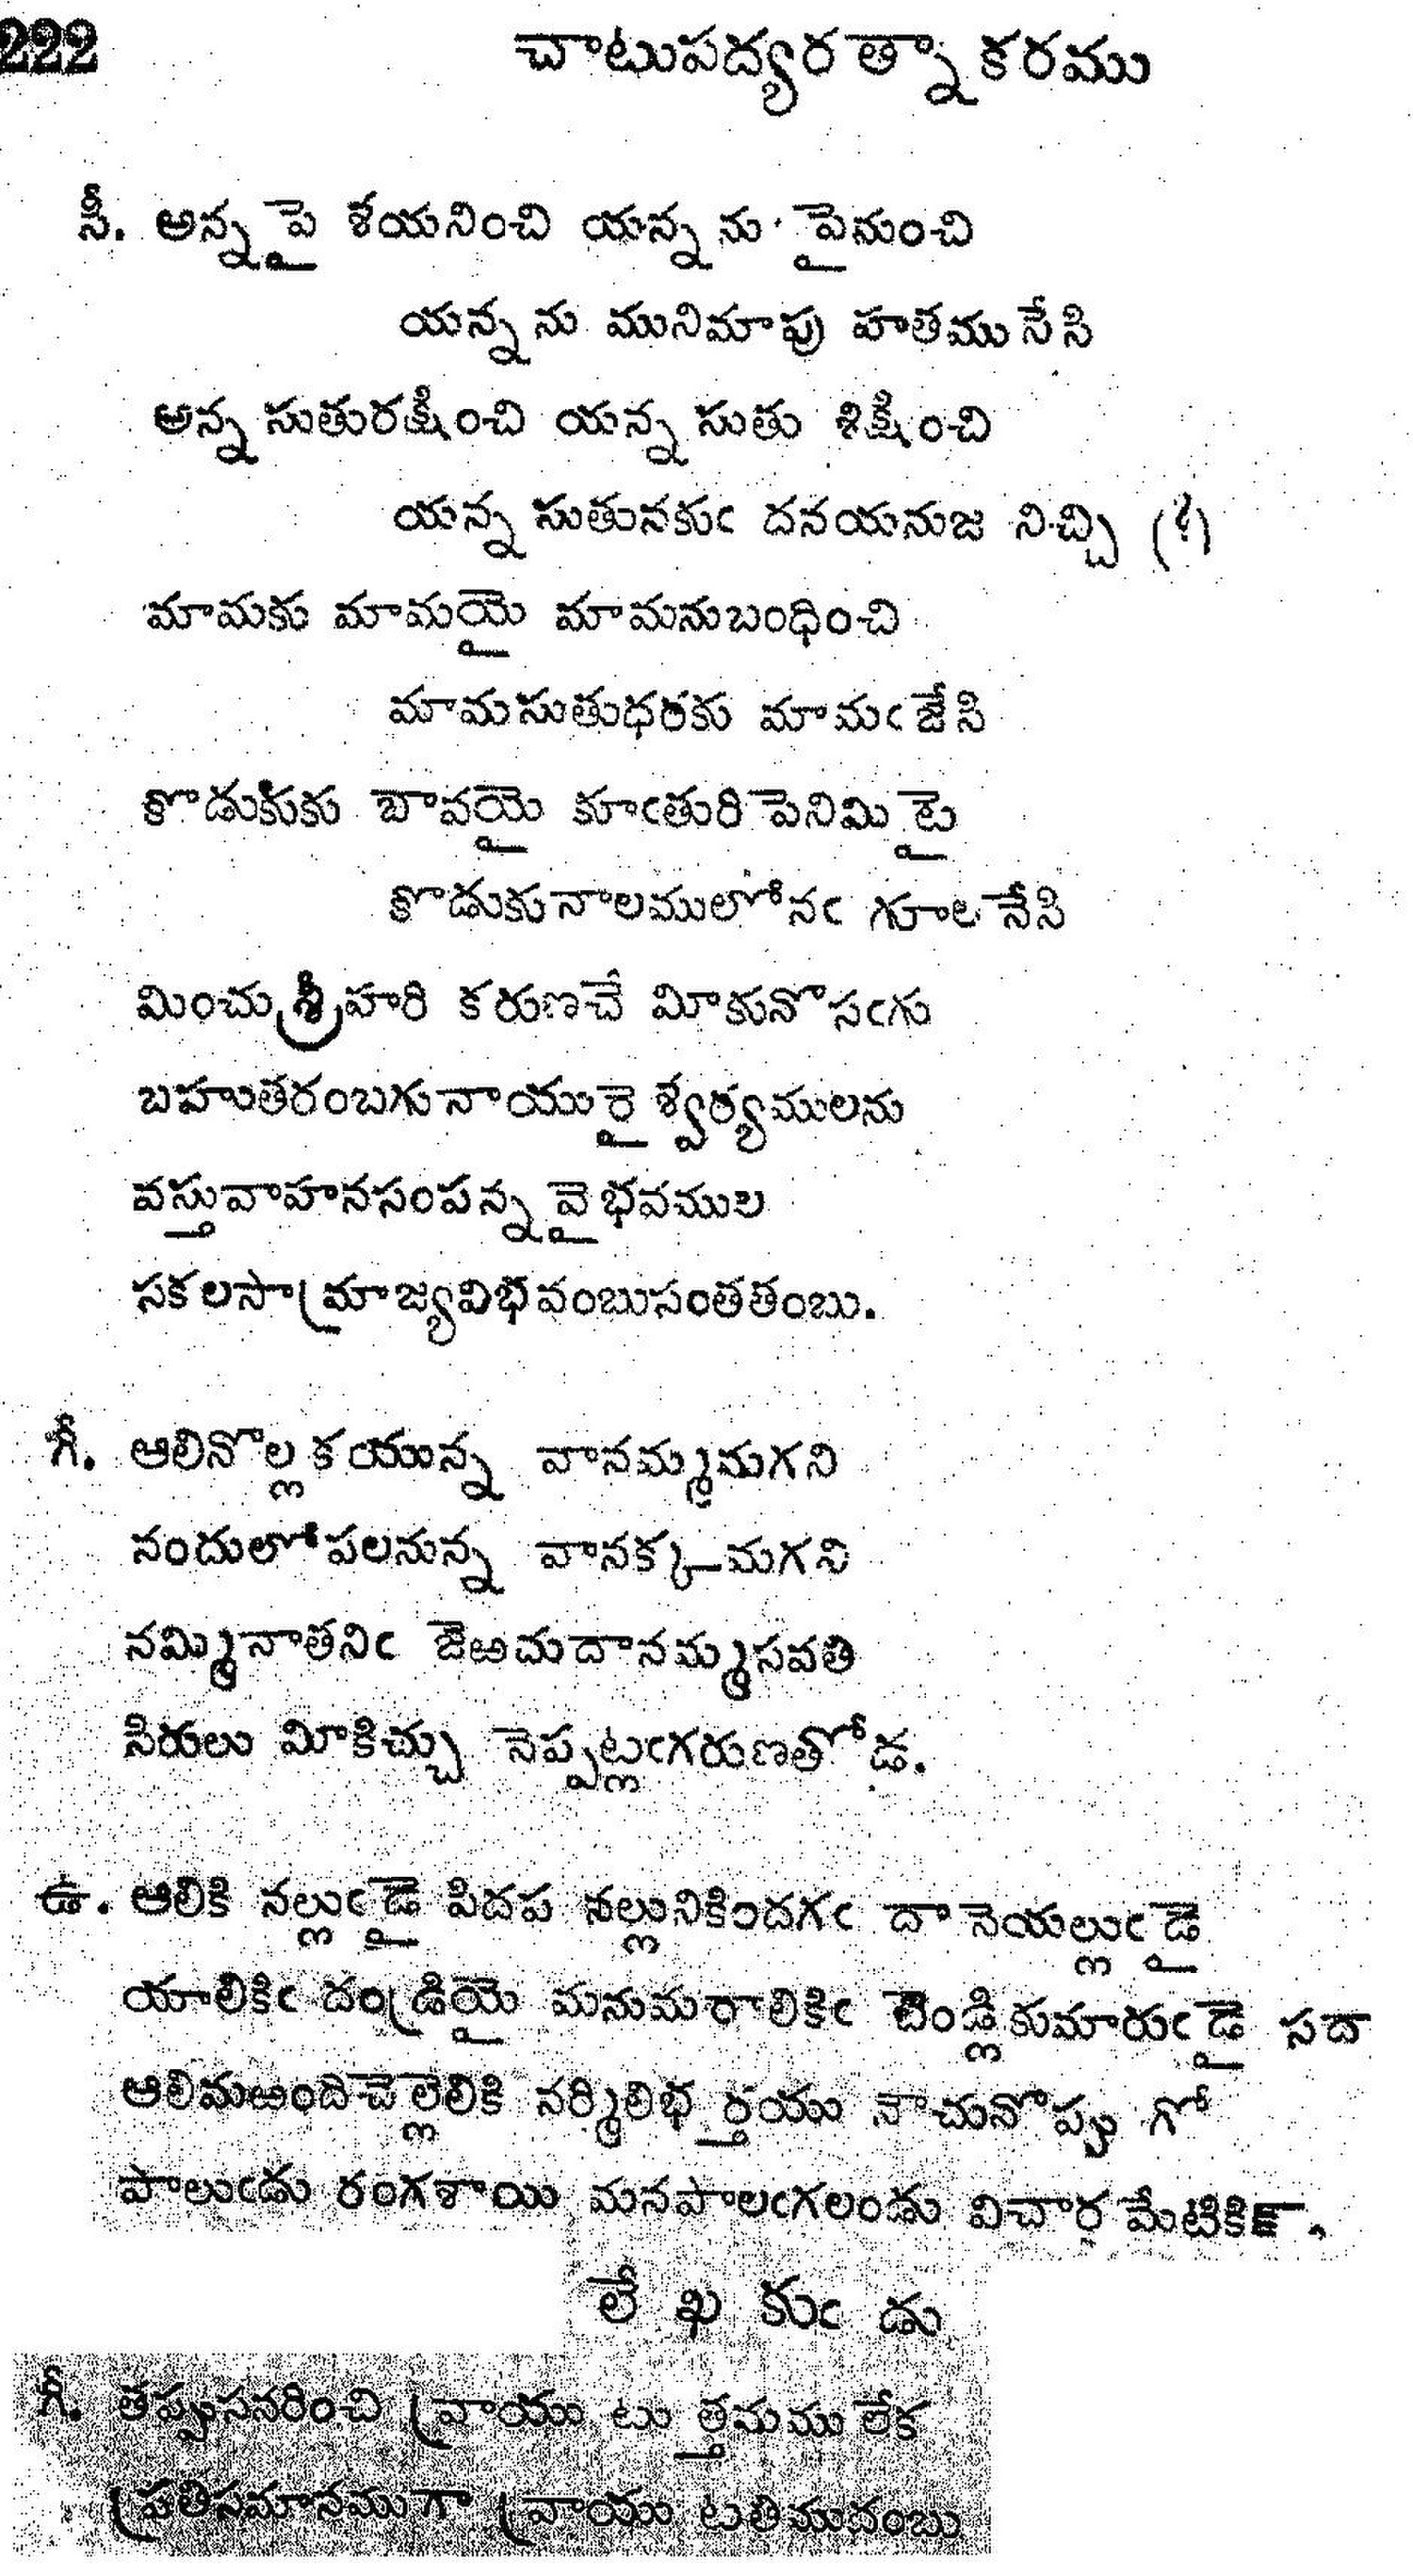సీ. అన్నపై శయనించి యన్నను పైనుంచి
 యన్నను మునిమాపు హతము సేసి
 అన్నసుతు రక్షించి యన్నసుతు శిక్షించి
 యన్నసుతునకుఁ దనయనుజ నిచ్చి(?)
 మామకు మామయై మామను బంధించి
 మామసుతుధరకు మామఁ జేసి
 కొడుకుకు బావయై కూఁతురిపెనిమిటై
 కొడుకు నాలములోనఁ గూలనేసి
 మించు శ్రీహరి కరుణచే మీకు నొసఁగు
 బహుతరంబగు నాయురైశ్వర్యములను
 వస్తువాహనసంపన్నవైభవముల
 సకలసామ్రాజ్యవిభవంబు సంతతంబు.

గీ. ఆలినొల్లకయున్న వానమ్మనుగని
 నందులోపలనున్న వానక్కమగని
 నమ్మినాతనిఁ జెఱచు దానమ్మసవతి
 సిరులు మీకిచ్చు నెప్పట్లఁ గరుణతోడ.

ఉ. ఆలికి నల్లుఁడై పిదప నల్లునికిందగఁ దానె యల్లుఁడై
 యాలికిఁ దండ్రియై మనుమరాలికిఁ బెండ్లికుమారుఁడై సదా
 ఆలిమఱందిచెల్లెలికి నర్మలిభర్తయు నౌచునొప్పు గో
 పాలుఁడు రంగశాయి మనపాలఁగలండు విచారమేటికిన్.

గీ. తప్పు సవరించి వ్రాయు టుత్తమము లేక
 ప్రతిసమానముగా వ్రాయు టతిముదంబు